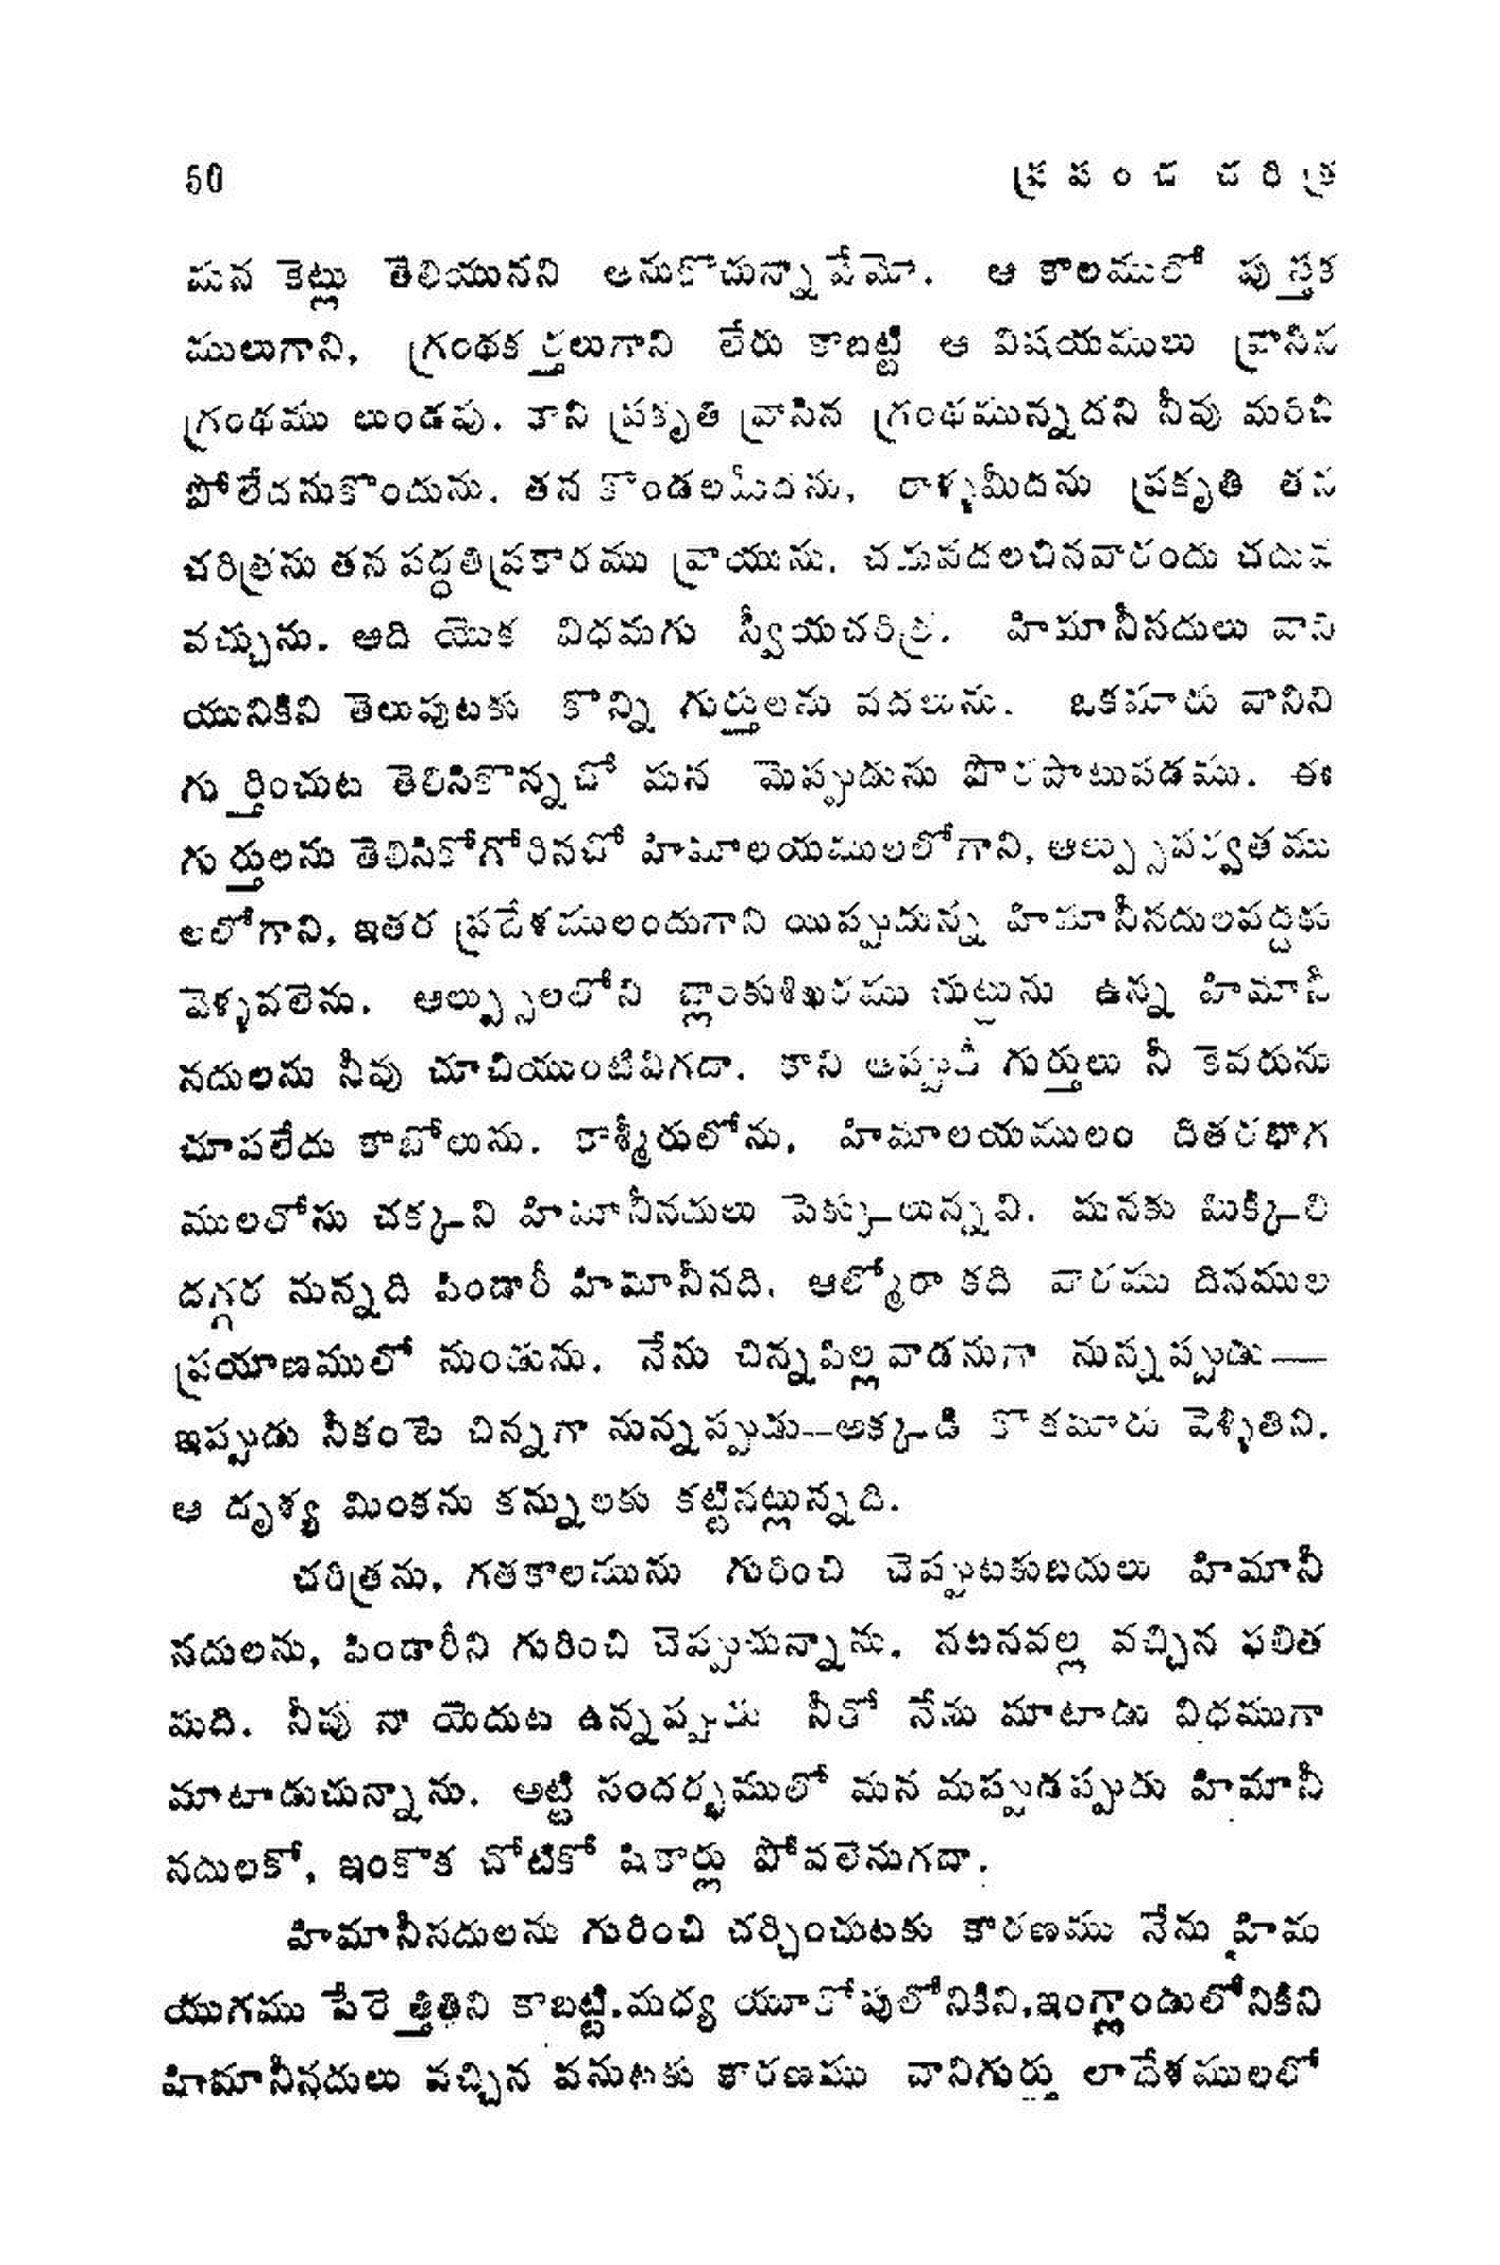మన కెట్లు తెలియునని అనుకొనుచున్నావేమో. ఆ కాలములో పుస్తకములుగాని, గ్రంథకర్తలుగాని లేరు కాబట్టి ఆ విషయములు వ్రాసిన గ్రంథము లుండవు. కాని ప్రకృతి వ్రాసిన గ్రంథమున్నదని నీవు మరచి పోలేదనుకొందును. తన కొండలమీదను, రాళ్ళమీదను ప్రకృతి తన చరిత్రను తన పద్ధతి ప్రకారము వ్రాయును. చదువదలచినవారందు చదువు వచ్చును. ఆది యొక విధమగు స్వీయచరిత్ర. హిమానీనదులు వాని యునికిని తెలుపుటకు కొన్ని గుర్తులను వదలును. ఒకమారు వానిని గుర్తించుట తెలిసికొన్నచో మన మెప్పుడును పొరపాటుపడము. ఈ గుర్తులను తెలిసికోగోరినచో హిమాలయములలోగాని, ఆల్ప్సుపర్వతములలోగాని, ఇతర ప్రదేశములందుగాని యిప్పుడున్న హిమానీనదులవద్దకు వెళ్ళవలేను. ఆల్ప్సులలోని బ్లాంకుశిఖరము చుట్టును ఉన్న హిమానీ నదులను నీవు చూచియుంటివిగదా. కాని అప్పుడీ గుర్తులు నీ కెవరును చూపలేదు కాబోలును. కాశ్మీరులోను, హిమాలయములం దితరభాగములలోసు చక్కని హిమానీనదులు పెక్కులున్నవి. మనకు మిక్కిలి దగ్గర నున్నది పిండారీ హిమానీనది. ఆల్మోరా కది వారము దినముల ప్రయాణములో నుండును. నేను చిన్నపిల్లవాడనుగా నున్నప్పుడు - ఇప్పుడు నీకంటే చిన్నగా నున్నప్పుడు అక్కడి కొకమారు పెళ్ళితిని. ఆ దృశ్య మింకను కన్నులకు కట్టినట్లున్నది.

చరిత్రను, గతకాలమును గురించి చెప్పుటకు బదులు హిమానీ నదులను, పిండారీని గురించి చెప్పుచున్నాను. నటనవల్ల వచ్చిన ఫలిత మది. నీవు నా యెదుట ఉన్నప్పుడు నీతో నేను మాటాడు విధముగా మాటాడుచున్నాను. అట్టి సందర్భములో మన మప్పుడప్పుడు హిమానీ నదులకో, ఇంకొక చోటికో షికార్లు పోవలేనుగదా,

హిమానీనదులను గురించి చర్చించుటకు కారణము నేను హిమ యుగము పేరేత్తితిని కాబట్టి. మధ్య యూరోపులోనికిని, ఇంగ్లాండులోనికిని హిమానీనదులు వచ్చిన వనుటకు కారణము వానిగుర్తు లాదేశములలో